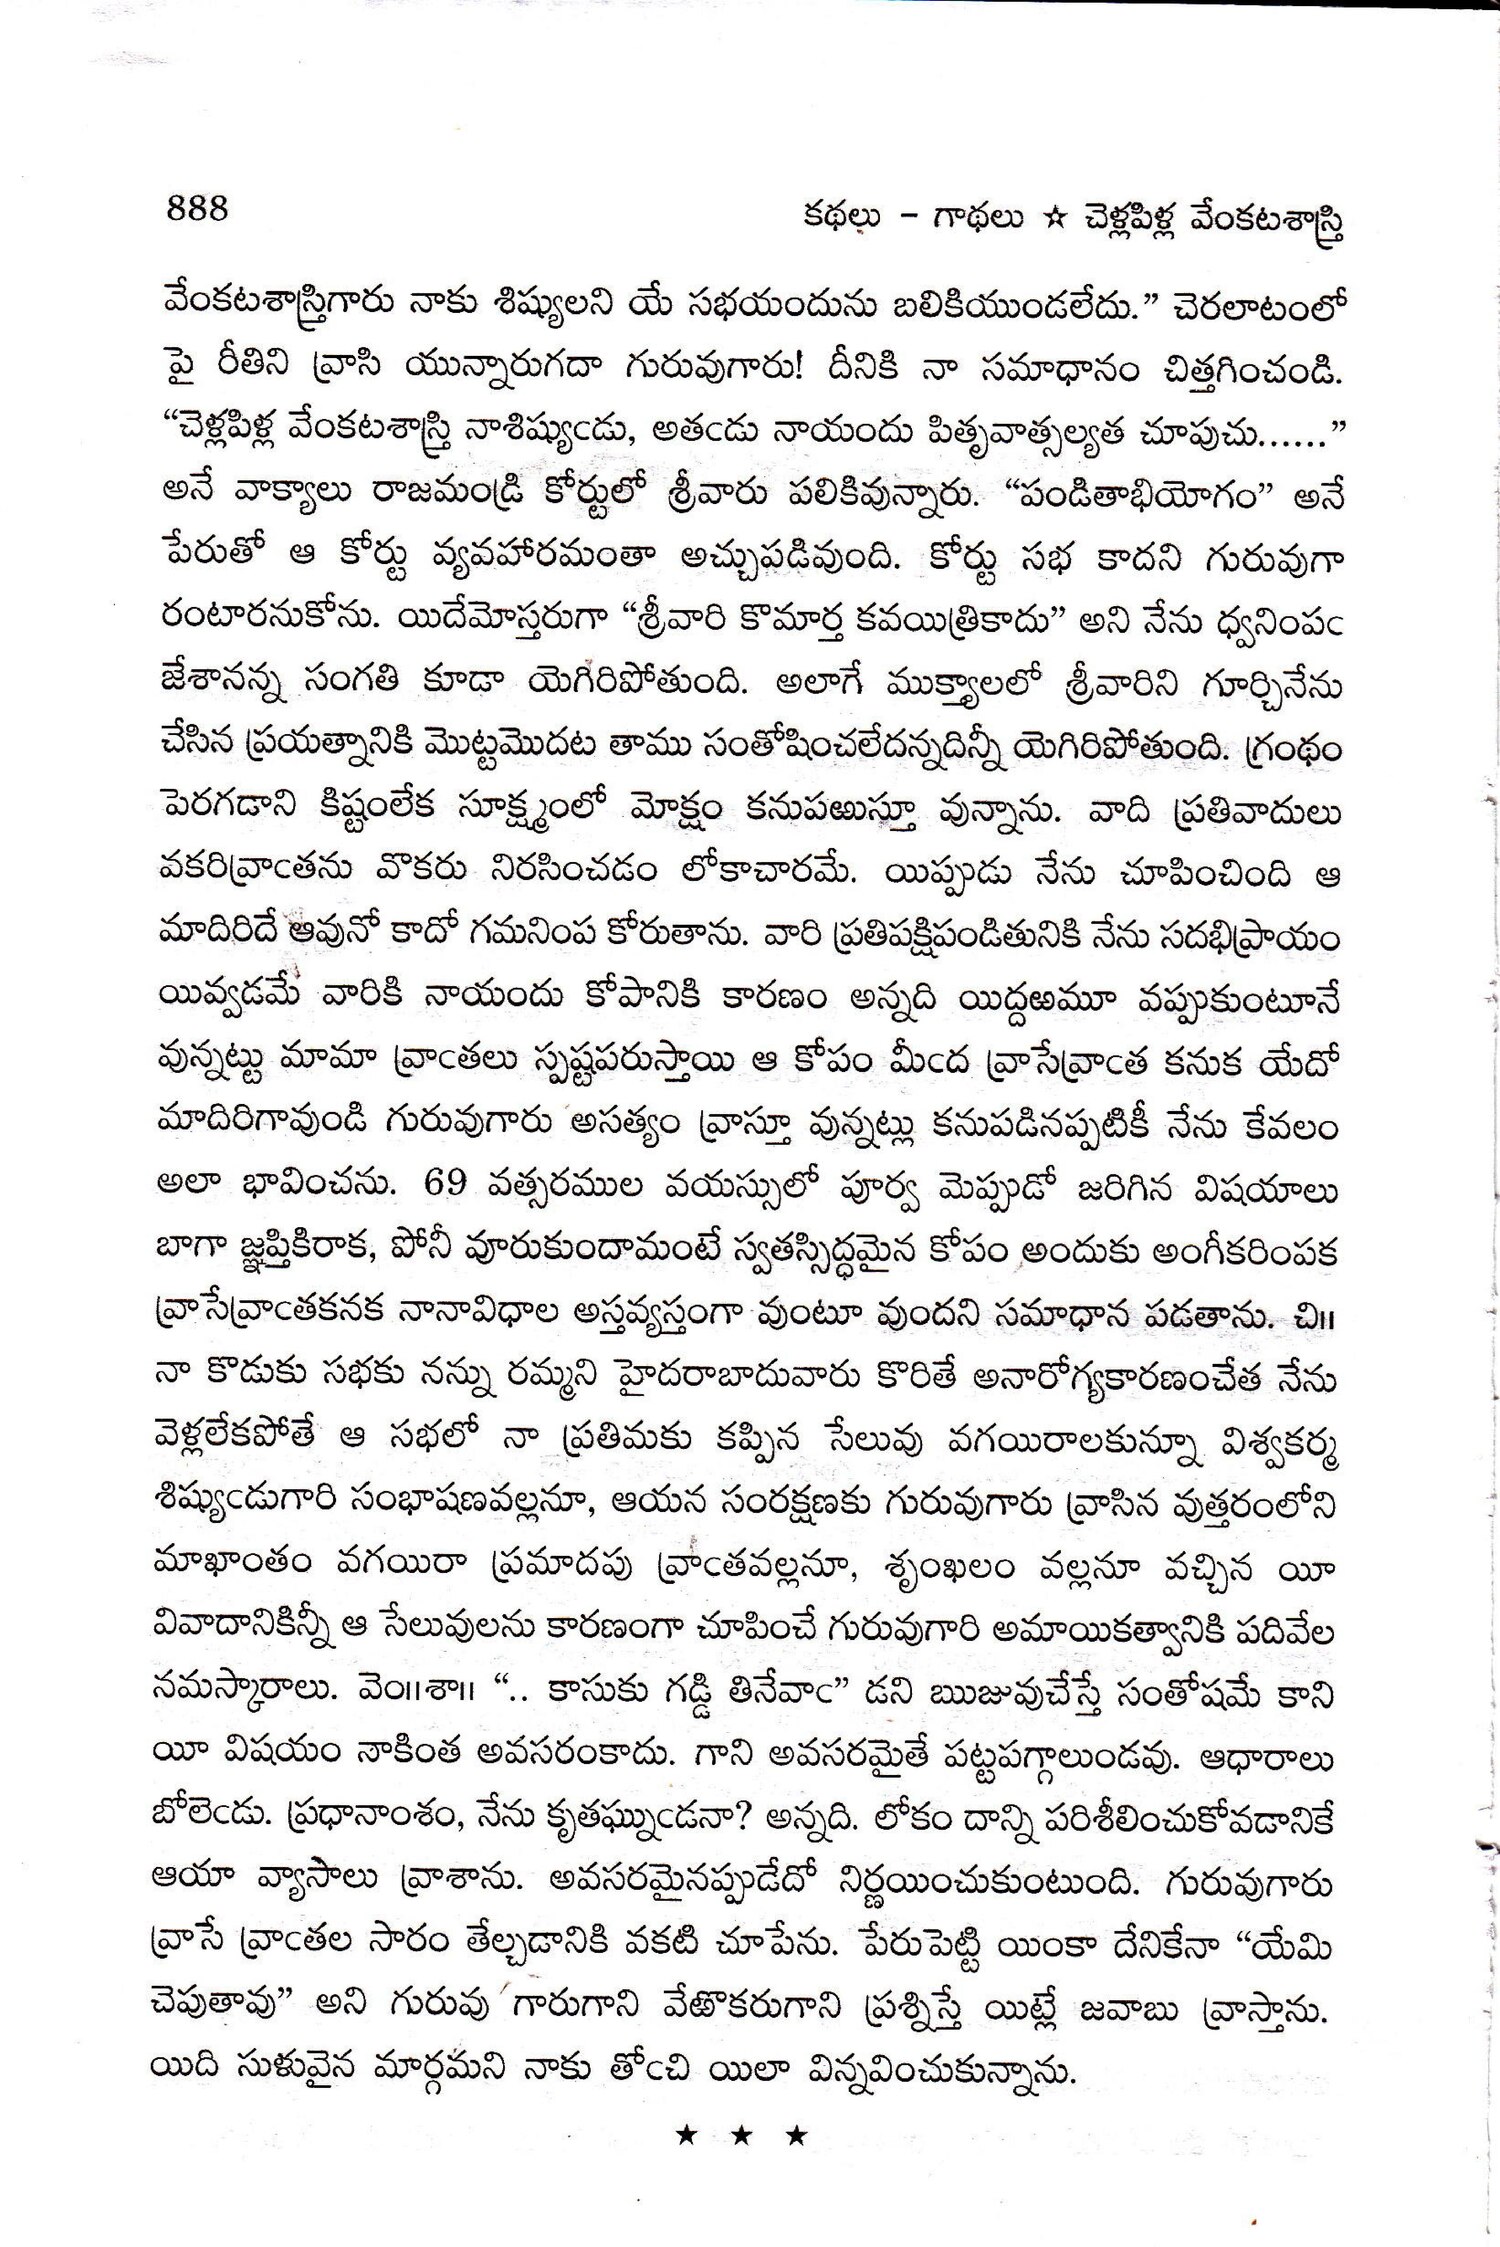వేంకటశాస్త్రిగారు నాకు శిష్యులని యే సభయందును బలికియుండలేదు.” చెరలాటంలో పై రీతిని వ్రాసి యున్నారుగదా గురువుగారు! దీనికి నా సమాధానం చిత్తగించండి. “చెళ్లపిళ్ల వేంకటశాస్త్రి నాశిష్యుఁడు, అతఁడు నాయందు పితృవాత్సల్యత చూపుచు......" అనే వాక్యాలు రాజమండ్రి కోర్టులో శ్రీవారు పలికివున్నారు. "పండితాభియోగం" అనే పేరుతో ఆ కోర్టు వ్యవహారమంతా అచ్చుపడివుంది. కోర్టు సభ కాదని గురువుగా రంటారనుకోను. యిదేమోస్తరుగా “శ్రీవారి కొమార్త కవయిత్రికాదు" అని నేను ధ్వనింపఁ జేశానన్న సంగతి కూడా యెగిరిపోతుంది. అలాగే ముక్త్యాలలో శ్రీవారిని గూర్చినేను చేసిన ప్రయత్నానికి మొట్టమొదట తాము సంతోషించలేదన్నదిన్నీ యెగిరిపోతుంది. గ్రంథం పెరగడాని కిష్టంలేక సూక్ష్మంలో మోక్షం కనుపఱుస్తూ వున్నాను. వాది ప్రతివాదులు వకరివ్రాఁతను వొకరు నిరసించడం లోకాచారమే. యిప్పుడు నేను చూపించింది ఆ మాదిరిదే ఆవునో కాదో గమనింప కోరుతాను. వారి ప్రతిపక్షిపండితునికి నేను సదభిప్రాయం యివ్వడమే వారికి నాయందు కోపానికి కారణం అన్నది యిద్దఱమూ వప్పుకుంటూనే వున్నట్టు మామా వ్రాఁతలు స్పష్టపరుస్తాయి ఆ కోపం మీఁద వ్రాసే వ్రాత కనుక యేదో మాదిరిగావుండి గురువుగారు అసత్యం వ్రాస్తూ వున్నట్లు కనుపడినప్పటికీ నేను కేవలం అలా భావించను. 69 వత్సరముల వయస్సులో పూర్వ మెప్పుడో జరిగిన విషయాలు బాగా జ్ఞప్తికిరాక, పోనీ వూరుకుందామంటే స్వతస్సిద్ధమైన కోపం అందుకు అంగీకరింపక వ్రాసేవ్రాఁతకనక నానావిధాల అస్తవ్యస్తంగా వుంటూ వుందని సమాధాన పడతాను. చి|| నా కొడుకు సభకు నన్ను రమ్మని హైదరాబాదువారు కొరితే అనారోగ్యకారణంచేత నేను వెళ్లలేకపోతే ఆ సభలో నా ప్రతిమకు కప్పిన సేలువు వగయిరాలకున్నూ విశ్వకర్మ శిష్యుఁడుగారి సంభాషణవల్లనూ, ఆయన సంరక్షణకు గురువుగారు వ్రాసిన వత్తరంలోని మాఖాంతం వగయిరా ప్రమాదపు వ్రాఁతవల్లనూ, శృంఖలం వల్లనూ వచ్చిన యీ వివాదానికిన్నీ ఆ సేలువులను కారణంగా చూపించే గురువుగారి అమాయికత్వానికి పదివేల నమస్కారాలు. వెం||శా|| “.. కాసుకు గడ్డి తినేవాc" డని ఋజువుచేస్తే సంతోషమే కాని యీ విషయం నాకింత అవసరంకాదు. గాని అవసరమైతే పట్టపగ్గాలుండవు. ఆధారాలు బోలెcడు. ప్రధానాంశం, నేను కృతఘ్నుఁడనా? అన్నది. లోకం దాన్ని పరిశీలించుకోవడానికే ఆయా వ్యాసాలు వ్రాశాను. అవసరమైనప్పుడేదో నిర్ణయించుకుంటుంది. గురువుగారు వ్రాసే వ్రాఁతల సారం తేల్చడానికి వకటి చూపేను. పేరుపెట్టి యింకా దేనికేనా "యేమి చెపుతావు” అని గురువు గారుగాని వేఱొకరుగాని ప్రశ్నిస్తే యిట్లే జవాబు వ్రాస్తాను. యిది సుళువైన మార్గమని నాకు తోఁచి యిలా విన్నవించుకున్నాను.